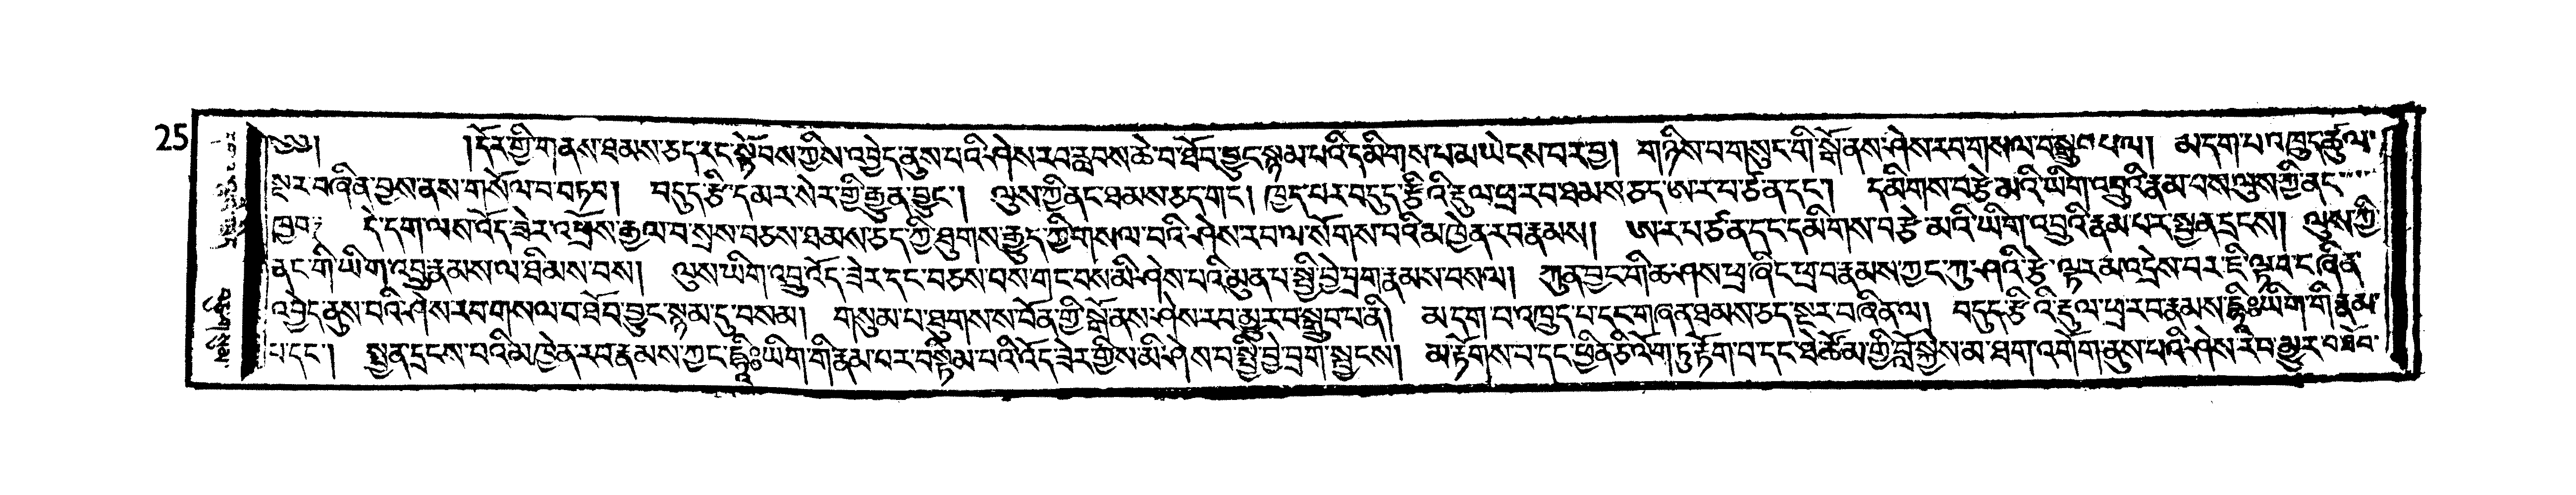༄༅། །དོར་གྱི་གནས་ཐམས་ཅད་རང་སྟོབས་ཀྱིས་འབྱེད་ནུས་པའི་ཤེས་རབ་རླབས་ཆེ་བ་ཐོབ་བྱུང་སྙམ་པའི་དམིགས་པ་མ་ཡེངས་པར་བྱ། གཉིས་པ་གསུང་གི་སྒོ་ནས་ཤེས་རབ་གསལ་བསྒྲུབ་པ་ལ། མ་དག་པ་འཁྲུད་ཚུལ་
སྔར་བཞིན་བྱས་ནས་གསོལ་བ་བཏབ། བདུད་རྩི་དམར་སེར་གྱི་རྒྱུན་བྱུང་། ལུས་ཀྱི་ནང་ཐམས་ཅད་གང་། ཁྱད་པར་བདུད་རྩིའི་རྡུལ་ཕྲ་རབ་ཐམས་ཅད་ཨ་ར་པ་ཙ་ན་དང་། དམིགས་བརྩེ་མའི་ཡིག་འབྲུའི་རྣམ་པས་ལུས་ཀྱི་ནང་
ཁྱབ། དེ་དག་ལས་འོད་ཟེར་འཕྲོས་རྒྱལ་བ་སྲས་བཅས་ཐམས་ཅད་ཀྱི་ཐུགས་རྒྱུད་ཀྱི་གསལ་བའི་ཤེས་རབ་ལ་སོགས་པའི་མཁྱེན་རབ་རྣམས། ཨ་ར་པ་ཙ་ན་དང་དམིགས་བརྩེ་མའི་ཡིག་འབྲུའི་རྣམ་པར་སྤྱན་དྲངས། ལུས་ཀྱི་
ནང་གི་ཡིག་འབྲུ་རྣམས་ལ་ཐིམས་པས། ལུས་ཡིག་འབྲུ་འོད་ཟེར་དང་བཅས་པས་གང་བས་མི་ཤེས་པའི་མུན་པ་སྤྱི་བྱེ་བྲག་རྣམས་བསལ། ཀུན་བྱང་གི་ཆ་ཤས་ཕྲ་ཞིང་ཕྲ་བ་རྣམས་ཀྱང་ཀུ་ཤའི་རྩེ་ལྟར་མ་འདྲེས་པར་ཇི་ལྟ་བ་བཞིན་
འབྱེད་ནུས་པའི་ཤེས་རབ་གསལ་བ་ཐོབ་བྱུང་སྙམ་དུ་བསམ། གསུམ་པ་ཐུགས་ས་བོན་གྱི་སྒོ་ནས་ཤེས་རབ་མྱུར་བསྒྲུབ་པ་ནི། མ་དག་པ་འཁྲུད་པ་དང་གཞན་ཐམས་ཅད་སྔར་བཞིན་ལ། བདུད་རྩིའི་རྡུལ་ཕྲ་རབ་རྣམས་དྷཱིཿ ཡིག་གི་རྣམ་
པ་དང་། སྤྱན་དྲངས་པའི་མཁྱེན་རབ་རྣམས་ཀྱང་དྷཱིཿ ཡིག་གི་རྣམ་པར་བསྟིམ་པའི་འོད་ཟེར་གྱིས་མི་ཤེས་པ་སྤྱི་བྱེ་བྲག་སྦྱངས། མ་རྟོགས་པ་དང་ཕྱིན་ཅི་ལོག་ཏུ་རྟོག་པ་དང་ཐེ་ཚོམ་གྱི་བློ་སྐྱེས་མ་ཐག་འགོག་ནུས་པའི་ཤེས་རབ་མྱུར་བ་ཐོབ་